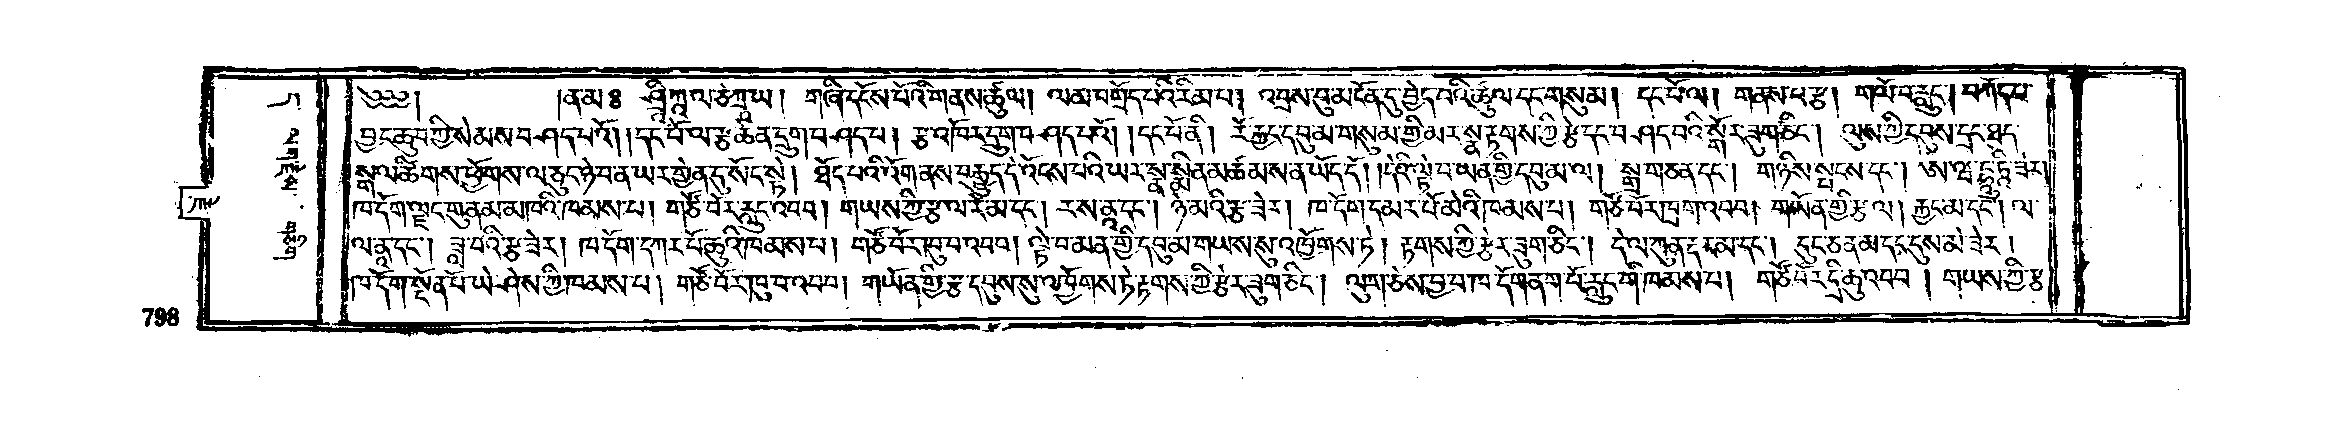༄༅། །ན་མ་H ཤྲིའི་ཀཱ་ལ་ཙྐྲཾ་ཡ། གཞི་དངོས་པོའི་གནས་ཚུལ། ལམ་བགྲོད་པའི་རིམ་པ། འབྲས་བུ་མངོན་དུ་བྱེད་པའི་ཚུལ་དང་གསུམ། དང་པོ་ལ། གནས་པ་རྩ། གཡོ་པ་རླུང་། བཀོད་པ་
བྱང་ཆུབ་ཀྱི་སེམས་བཤད་པའོ། །དང་པོ་ལ་རྩ་ཆེན་དྲུག་བཤད་པ། རྩ་འཁོར་དྲུག་བཤད་པའོ། །དང་པོ་ནི། རོ་རྐྱང་དབུ་མ་གསུམ་གྱི་མར་སྣ་རྟགས་ཀྱི་རྩེ་དང་བཤད་པའི་སྒོར་ཟུག་ཅིང་། ལུས་ཀྱི་དབུས་དྲང་ཐད་
སྒལ་ཚིགས་ཕྱོགས་ལ་ཅུང་ཉེ་བ་ན་ཡར་གྱེན་དུ་སོང་སྟེ། ཐོད་པའི་འོག་ནས་བརྒྱུད་དེ་འོངས་པའི་ཡར་སྣ་སྨིན་མཚམས་ན་ཡོད་དོ། །དེའི་ལྟེ་བ་ཡན་གྱི་དབུ་མ་ལ། སྒྲ་གཅན་དང་། གཉིས་སྤངས་དང་། ཨ་ཝ་དྷཱུ་ཏཱི་ཟེར།
ཁ་དོག་ལྗང་གུ་ནམ་མཁའི་ཁམས་པ། གཙོ་བོར་རླུང་འབབ། གཡས་ཀྱི་རྩ་ལ་རོ་མ་དང་། ར་ས་ནཱ་དང་། ཉེ་མའི་རྩ་ཟེར། ཁ་དོག་དམར་པོ་མེའི་ཁམས་པ། གཙོ་བོར་ཁྲག་འབབ། གཡོན་གྱི་རྩལ། རྐྱང་མ་དང་། ལ་
ལ་ནཱ་དང་། ཟླ་བའི་རྩ་ཟེར། ཁ་དོག་དཀར་པོ་ཆུའི་ཁམས་པ། གཙོ་བོར་ཁུ་བ་འབབ། ལྟེ་བ་མན་གྱི་དབུ་མ་གཡས་སུ་འཁྱོགས་ཏེ། རྟགས་ཀྱི་རྩེར་ཟུག་ཅིང་། དེ་ལ་ཀུན་རྡར་མ་དང་། དུང་ཅན་མ་དང་དུས་མེ་ཟེར།
ཁ་དོག་སྔོན་པོ་ཡེ་ཤེས་ཀྱི་ཁམས་པ། གཙོ་བོར་ཁུ་བ་འབབ། གཡོན་གྱི་རྩ་དབུས་སུ་འཁྱོགས་ཏེ་རྟགས་ཀྱི་རྩེར་ཟུག་ཅིང་། ལུག་ཅེས་བྱ་བ་ཁ་དོག་ནག་པོ་རླུང་གི་ཁམས་པ། གཙོ་བོར་དྲི་ཆུ་འབབ། གཡས་ཀྱི་རྩ་